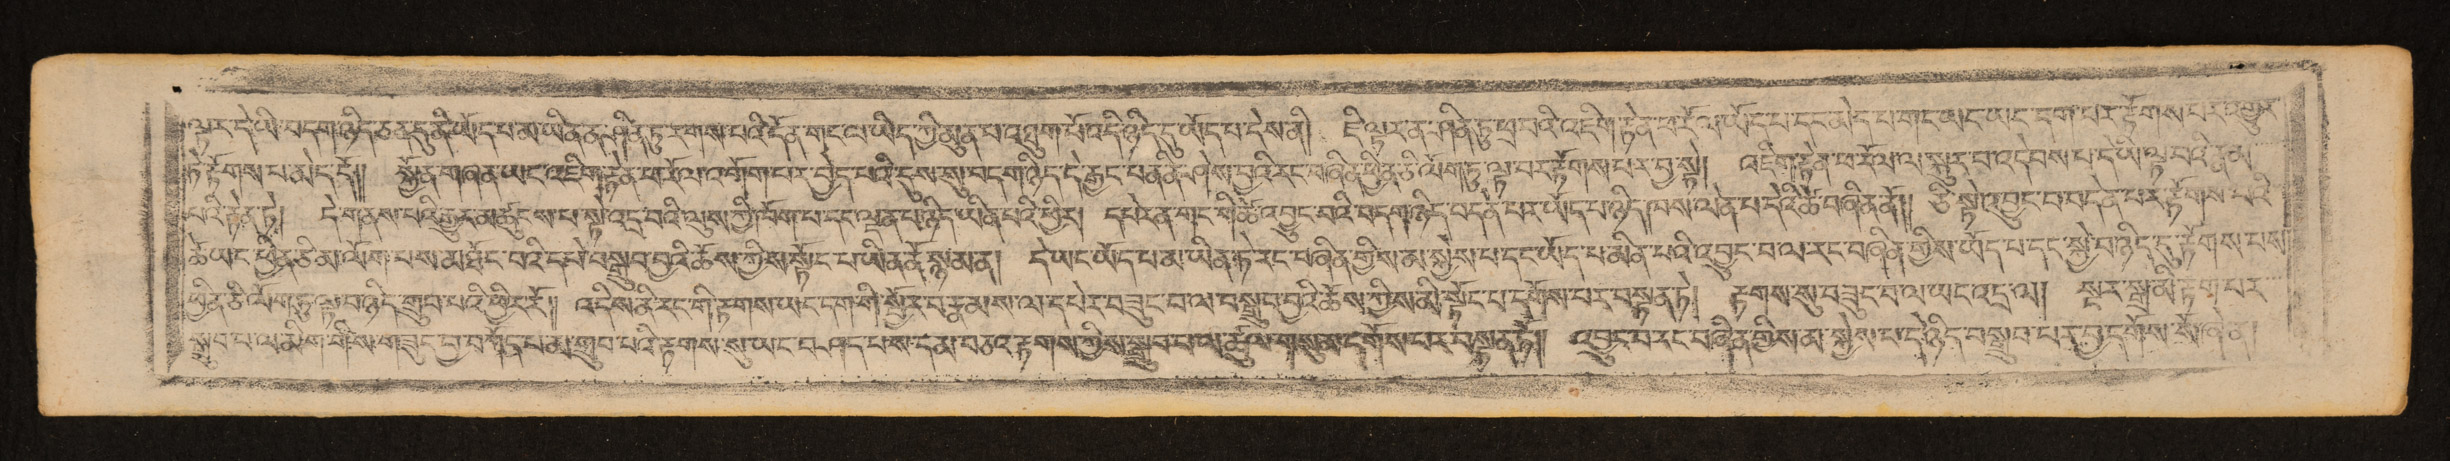ལྟར་དེ་ཡི་བདག་ཉིད་ཅན་དུ་ནི་ཡོད་པ་མ་ཡིན་ན་ཤིན་ཏུ་རགས་པའི་དོན་གང་ལ་ཡིད་ཀྱི་མུན་པ་འཐུག་པོ་འདི་ཉིད་དུ་ཡོད་པ་དེས་ནི། ཇི་ལྟར་ན་ཤིན་ཏུ་ཕྲ་བའི་འཇིག་རྟེན་ཕ་རོལ་ཡོད་པ་དང་མེད་པ་གང་ཡང་ཡང་དག་པར་རྟོགས་པར་འགྱུར་
ཏེ་རྟོགས་པ་མེད་དོ།། སྐྱོན་གཞན་ཡང་འཇིག་རྟེན་ཕ་རོལ་འགོག་པར་བྱེད་པའི་དུས་སུ་བདག་ཉིད་དེ་རྒྱང་ཕན་ནི་ཤེས་བྱའི་རང་བཞིན་ཕྱིན་ཅི་ལོག་ཏུ་ལྟ་བར་རྟོགས་པར་བྱ་སྟེ། འཇིག་རྟེན་ཕ་རོལ་ལ་སྐུར་པ་འདེབས་པ་དེ་ཡི་ལྟ་བའི་རྣམ་
པའི་རྟེན་ཏེ། དེ་གནས་པའི་རྒྱུར་མཚུངས་པ་སྟེ་འདྲ་བའི་ལུས་ཀྱི་ཁོག་པ་དང་ལྡན་པ་ཉིད་ཡིན་པའི་ཕྱིར། དཔེར་ན་གང་གི་ཚེ་འབྱུང་བའི་བདག་ཉིད་བདེན་པར་ཡོད་པ་ཉིད་ཁས་ལེན་པ་དེའི་ཚེ་བཞིན་ནོ།། ཅི་སྟེ་འབྱུང་བ་བདེན་པར་རྟོགས་པའི་
ཚེ་ཡང་ཕྱིན་ཅི་མ་ལོག་པས་མཐོང་བའི་དཔེ་བསྒྲུབ་བྱའི་ཆོས་ཀྱིས་སྟོང་པ་ཡིན་ནོ་སྙམ་ན། དེ་ཡང་ཡོད་པ་མ་ཡིན་ཏེ་རང་བཞིན་གྱིས་མ་སྐྱེས་པ་དང་ཡོད་པ་མིན་པའི་འབྱུང་བ་ལ་རང་བཞིན་གྱིས་ཡོད་པ་དང་སྐྱེ་བ་ཉིད་དུ་རྟོགས་པས་
ཕྱིན་ཅི་ལོག་ཏུ་ལྟ་བ་ཉིད་གྲུབ་པའི་ཕྱིར་རོ།། འདིས་ནི་རང་གི་རྟགས་ཡང་དག་གི་སྦྱོར་བ་རྣམས་ལ་དཔེར་བཟུང་བ་ལ་བསྒྲུབ་བྱའི་ཆོས་ཀྱིས་མི་སྟོང་བ་དགོས་པར་བསྟན་ཏེ། རྟགས་སུ་བཟུང་བ་ལ་ཡང་འདྲ་ལ། སྔར་སྒྲ་མི་རྟག་པར་
སྒྲུབ་པ་ལ་མིག་གིས་གཟུང་བྱ་བཀོད་པ་མ་གྲུབ་པའི་རྟགས་སུ་ཡང་བཤད་པས་དམ་བཅའ་རྟགས་ཀྱིས་སྒྲུབ་པ་ལ་ཚུལ་གསུམ་དགོས་པར་བསྟན་ཏོ།། འབྱུང་བ་རང་བཞིན་གྱིས་མ་སྐྱེས་པ་དེ་ཉིད་བསྒྲུབ་པར་བྱ་དགོས་སོ་ཞེ་ན།